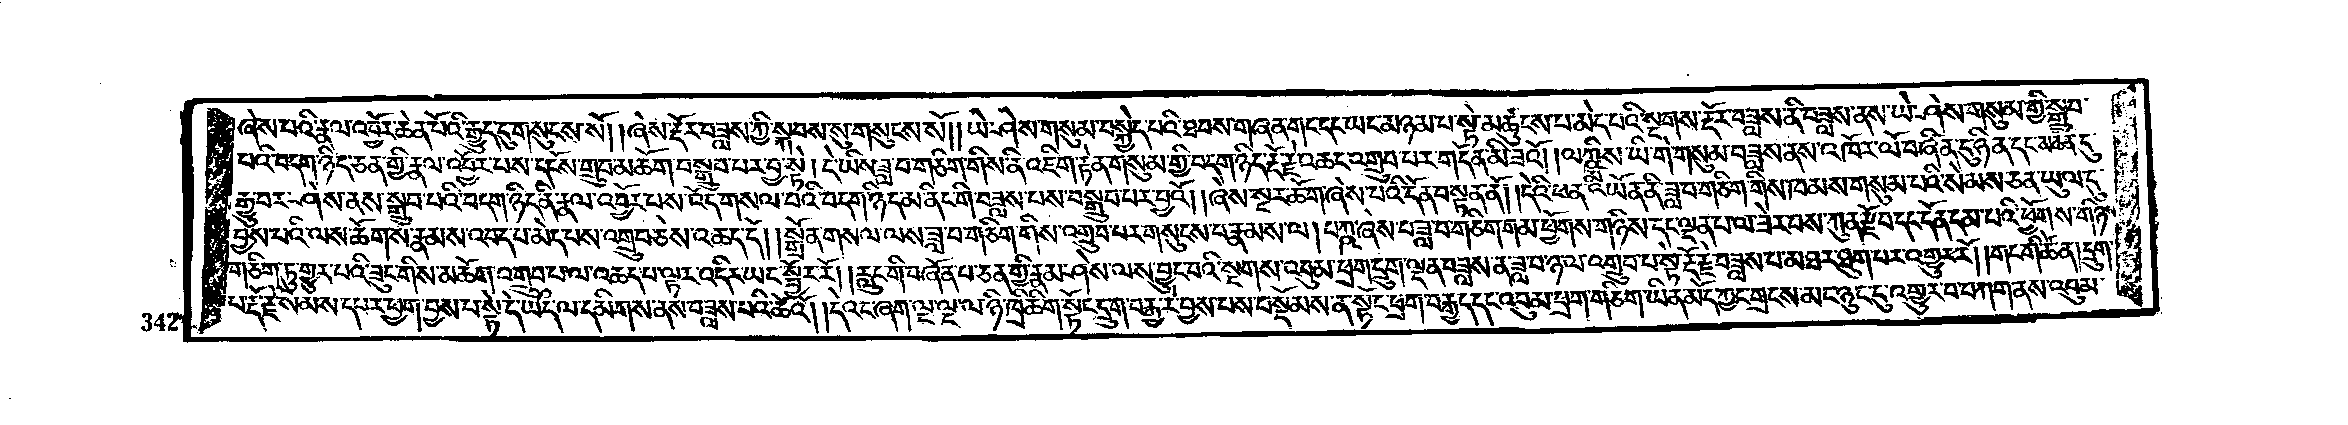ཞེས་པའི་རྣལ་འབྱོར་ཆེན་པོའི་རྒྱུད་དུ་གསུངས་སོ། །ཞེས་རྡོར་བཟླས་ཀྱི་སྐབས་སུ་གསུངས་སོ། །ཡེ་ཤེས་གསུམ་བསྐྱེད་པའི་ཐབས་གཞན་གང་དང་ཡང་མཉམ་པ་སྟེ་མཚུངས་པ་མེད་པའི་སྔགས་རྡོར་བཟླས་ནི་བཟླས་ནས་ཡེ་ཤེས་གསུམ་གྱི་སྒྲུབ་
པའི་བདག་ཉིད་ཅན་གྱི་རྣལ་འབྱོར་པས་དངོས་གྲུབ་མཆོག་བསྒྲུབ་པར་བྱ་སྟེ། དེ་ཡིས་ཟླ་བ་གཅིག་གིས་ནི་འཇིག་རྟེན་གསུམ་གྱི་བདག་ཉིད་རྡོ་རྗེ་འཆང་འགྲུབ་པར་གདོན་མི་ཟའོ། །ལཀྵྨཱིས་ཡི་གེ་གསུམ་བཟླས་ནས་འཁོར་ལོ་བཞིན་དུ་ཉིན་དང་མཚན་དུ་
རྒྱུ་བར་ཤེས་ནས་སྒྲུབ་པའི་བདག་ཉིད་ནི་རྣལ་འབྱོར་པས་འོད་གསལ་བའི་བདག་ཉིད་མ་ནིང་གི་བཟླས་པས་བསྒྲུབ་པར་བྱའོ། །ཞེས་སྔར་ཆོ་ག་ཞེས་པའི་དོན་བསྟན་ནོ། །དེའི་ཕན་ཡོན་ནི་ཟླ་བ་གཅིག་གིས་ཁམས་གསུམ་པའི་སེམས་ཅན་ཡུལ་དུ་
བྱས་པའི་ལས་ཆོགས་རྣམས་འབད་པ་མེད་པས་འགྲུབ་ཅེས་འཆད་དོ། །སྒྲོན་གསལ་ལས་ཟླ་བ་གཅིག་གིས་འགྲུབ་པར་གསུངས་པ་རྣམས་ལ། པཀྵ་ཞེས་པ་ཟླ་བ་གཅིག་གམ་ཕྱོགས་གཉིས་དང་ལྡན་པ་ལ་ཟེར་བས་ཀུན་རྫོབ་དང་དོན་དམ་པའི་ཕྱོགས་གཉིས་
གཅིག་ཏུ་གྱུར་པའི་ཟུང་གིས་མཆོག་འགྲུབ་པ་ལ་འཆད་པ་ལྟར་འདིར་ཡང་སྦྱོར་རོ། །རླུང་གི་བཞོན་པ་ཅན་གྱི་རྣམ་ཤེས་ལས་བྱུང་བའི་སྔགས་འབུམ་ཕྲག་དྲུག་ལྡན་བཟླས་ན་ཟླ་བ་ཉ་ལ་འགྲུབ་པ་སྟེ་རྡོ་རྗེ་བཟླས་པ་མཐར་ཐུག་པར་འགྱུར་རོ། །གང་གི་ཚེ་ན། དྲུག་
པ་རྡོ་རྗེ་སེམས་དཔར་ཕྱག་བྱས་པ་སྟེ་དེ་ཡིད་ལ་དམིགས་ནས་བཟླས་པའི་ཚེའོ། །དེའང་ཞག་ལྔ་ལྔ་ལ་ཉི་ཁྲི་ཆིག་སྟོང་དྲུག་བརྒྱ་རེ་བྱས་པས་བསྡོམས་ན་སྟོང་ཕྲག་བརྒྱད་དང་འབུམ་ཕྲག་གཅིག་ཡིན་མོད་ཀྱང་གྲངས་མང་ཉུང་དུ་འགྱུར་བ་བཀག་ནས་འབུམ་